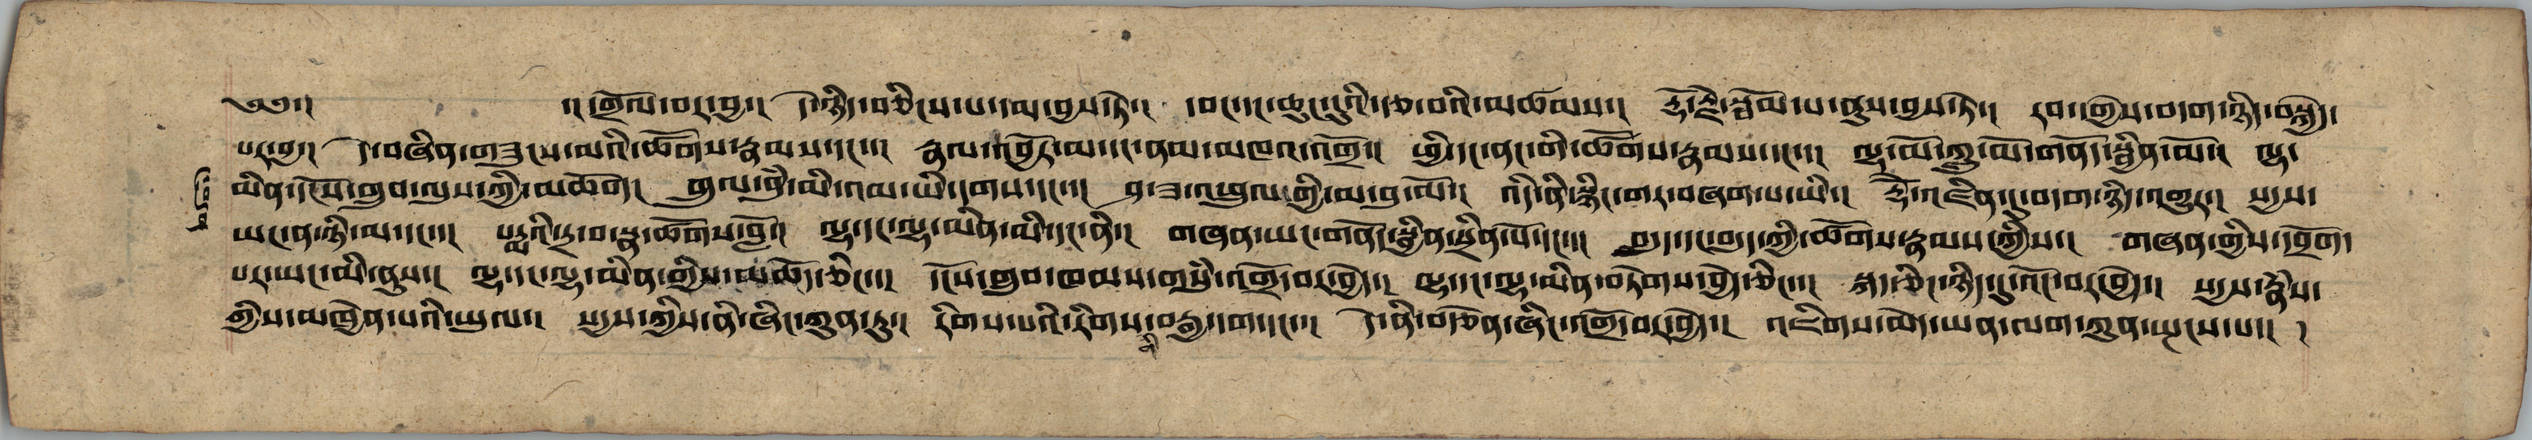༄༅་། ་།གྲོལ་བར་བྱ་། དེ་ཉིད་བཅིངས་པ་དམ་བྱས་ཏེ་། དབང་དང་ཆུང་ངུའི་རྩ་བའི་མཚམས་། རྡོ་རྗེ་སྦོམ་པ་ནུས་བྱས་ཏེ་། རབ་དགྱེས་བདག་ཉིད་བསྐྱེད་
པར་བྱ་། དེ་བཞིན་གཟུངས་མའི་ཚོགས་རྣམས་དང་་། རྣལ་འབྱོར་མ་དང་ནམ་མཁའ་འགྲོ་། ཕྱི་དང་ནང་གི་ཚོགས་རྣམས་དང་་། ལྷ་མོ་ཀླུ་མོ་གནོད་སྦྱིན་མོ་། ལྷ་
ཡིན་དངོས་གྲུབ་ལུས་ཀྱི་མཆོག། གྲུལ་བུཾ་མི་འམ་ཡི་དགས་དང་་། ཤ་ཟ་འཕྲུལ་གྱི་མ་བུ་མོ་། འདི་ནི་སྙིང་གར་བཞག་པ་ཡི་། རྡོེ་འཛིན་དུ་བདག་ཉིད་འགྱུར་། སདྱས་
ཡང་ན་ཉི་མ་དང་་། པདྨའི་དྲ་བ་སྣ་ཚོགས་བློ་། ལྷ་དང་ལྷ་མིན་མི་དང་ནི་། གཞན་ཡང་གནོད་སྦྱིན་སྲིན་པོ་དང་་། བདུད་དང་བདུད་ཀྱི་ཚོགས་རྣམས་ཀྱིས་། གཞན་གྱིས་དབྲོག་
པར་ཡང་མི་ནུས་། ལྷ་དང་ལྷ་མིན་གྱིས་མཆོད་ཅིང་་། དངོས་གྲུབ་ཁམས་གསུཾ་འགྲོ་བར་བྱེད་། ལྷ་དང་ལྷ་མིན་བཏེགས་བྱེད་ཅིང་་། སྐད་ཅིག་ཉིད་དུ་འོང་བར་བྱེད་། སདྱས་རྣཾས་
གྱིས་མཁྱེན་པའི་ཡུལ་། སདྱས་ཀྱིས་ནི་ཞིང་ཀུན་ཏུ་། རིགས་པའི་རིགས་ཀྱི་བརྒྱ་དག་དང་་། དེ་ནི་བརྩོན་ཞིང་འགྲོ་བར་བྱེད་། འཇིགས་མེད་ཡན་ལག་ཀུན་སྤངས་པ་། ད